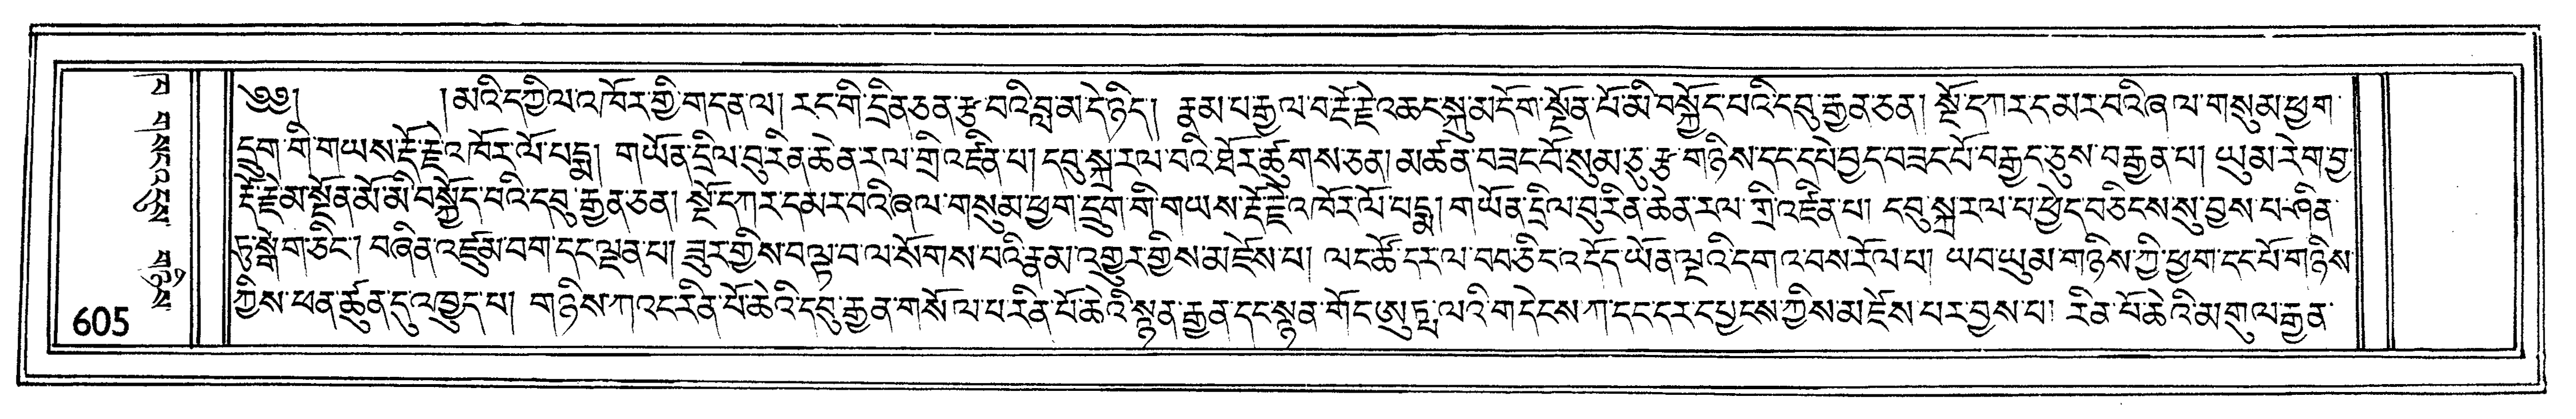༄༅། །མའི་དཀྱིལ་འཁོར་གྱི་གདན་ལ། རང་གི་དྲིན་ཅན་རྩ་བའི་བླ་མ་དེ་ཉིད། རྣམ་པ་རྒྱལ་བ་རྡོ་རྗེ་འཆང་སྐུ་མདོག་སྔོན་པོ་མི་བསྐྱོད་པའི་དབུ་རྒྱན་ཅན། སྔོ་དཀར་དམར་བའི་ཞལ་གསུམ་ཕྱག་
དྲུག་གི་གཡས་རྡོ་རྗེ་འཁོར་ལོ་པདམ། གཡོན་དྲིལ་བུ་རིན་ཆེན་རལ་གྲི་འཛིན་པ། དབུ་སྐྲ་རལ་བའི་ཐོར་ཚུགས་ཅན། མཚན་བཟང་བོ་སུམ་ཅུ་རྩ་གཉིས་དང་དཔེ་བྱད་བཟང་པོ་བརྒྱད་ཅུས་བརྒྱན་པ། ཡུམ་རེག་བྱ་
རྡོ་རྗེ་མ་སྔོན་མོ་མི་བསྐྱོད་པའི་དབུ་རྒྱན་ཅན། སྔོ་དཀར་དམར་བའི་ཞལ་གསུམ་ཕྱག་དྲུག་གི་གཡས་རྡོ་རྗེ་འཁོར་ལོ་པདམ། གཡོན་དྲིལ་བུ་རིན་ཆེན་རལ་གྲི་འཛིན་པ། དབུ་སྐྲ་རལ་པ་ཕྱེད་བཅིངས་སུ་བྱས་པ་ཤིན་
ཏུ་སྒེག་ཅིང་། བཞིན་འཛུམ་བག་དང་ལྡན་པ། ཟུར་གྱིས་བལྟ་བ་ལ་སོགས་པའི་རྣམ་འགྱུར་གྱིས་མཛེས་པ། ལང་ཚོ་དར་ལ་བབ་ཅིང་འདོད་ཡོན་ལྔའི་དགའ་བས་རོལ་པ། ཡབ་ཡུམ་གཉིས་ཀྱི་ཕྱག་དང་པོ་གཉིས་
ཀྱིས་ཕན་ཚུན་དུ་འཁྱུད་པ། གཉིས་ཀའང་རིན་པོ་ཆེའི་དབུ་རྒྱན་གསོལ་པ་རིན་པོ་ཆེའི་སྙན་རྒྱན་དང་སྙན་གོང་ཨུཏྤ་ལའི་གདེངས་ཀ་དང་དར་དཔྱངས་ཀྱིས་མཛེས་པར་བྱས་པ། རིན་པོ་ཆེའི་མགུལ་རྒྱན་